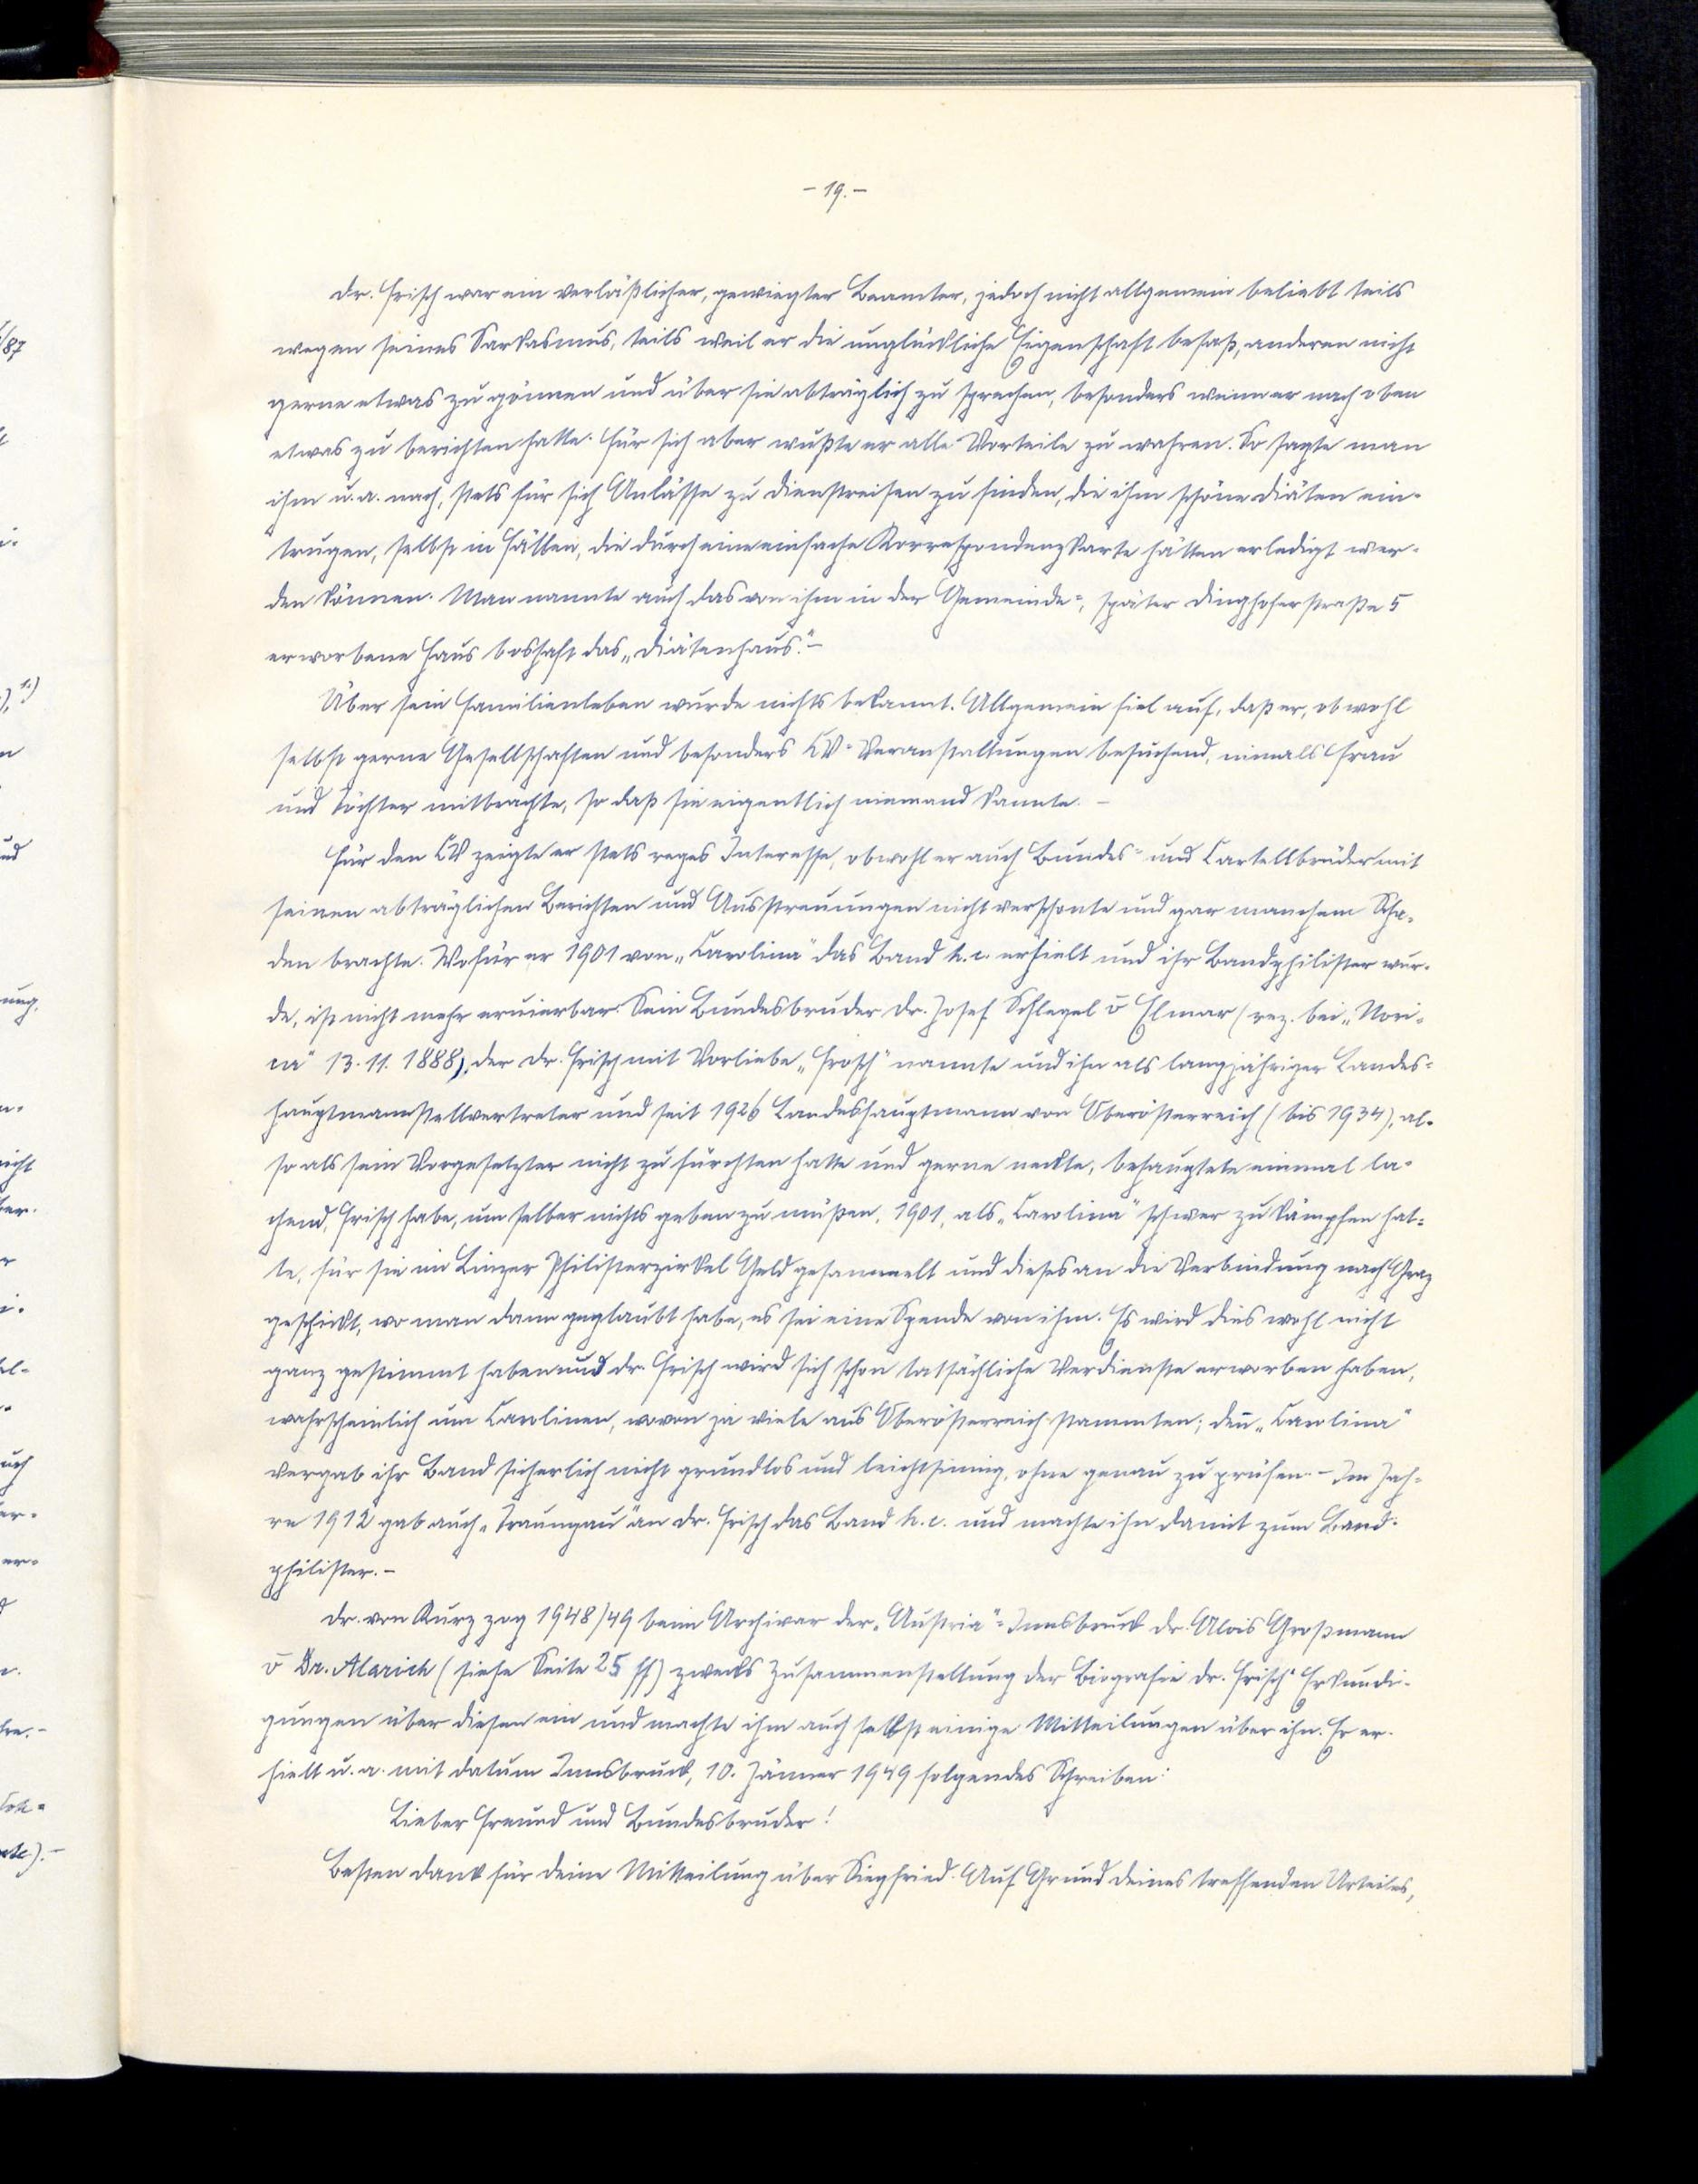19
Dr. Frisch war ein verlässlicher, gewiegter Beamte, jedoch nicht allgemein beliebt teils
wegen seines Sarkasmus, teils weil er die unglückliche Eigenschaft besaß, anderen nicht
gerne etwas zu gönnen und über sie abträglich zu sprechen, besonders wenn er nach oben
etwas zu berichten hatte. Für sich aber wusste er alle Vorteile zu wahren. So sagte man
ihm u. a. nach, stets für sich Ansätze zu Dienstreisen zu finden, die ihm schöne Diäten ein-
trugen, selbst in Fällen, die durch eine einfache Korrespondenzkarte hätten erledigt wer-
den können. Man benannte auch das von ihm in der Gemeinde- später Dinghoferstraße 5
erworbene Haus boshaft das „Diätenhaus“.-
Über sein Familienleben wurde nichts bekannt. Allgemein fiel auf, daß er, obwohl
selbst gerne Gesellschaften und besonders CV-Veranstaltungen besuchend, niemals Frau
und Kinder mitbrachte, so daß sie eigentlich niemand kannte.
Für den CV zeigte er selbst reges Interesse, obwohl er auch Bundes- und Cartellbrüder mit
seinen abträglichen Berichten und Ausstreuungen nicht verschonte und gar manchen Scha-
den brachte. Wofür er 1901 von „Caroline“ hat das Band h. c. erhielt und ihr Band philister wur-
de, ist nicht mehr eruierbar. Sein BundesBruder Dr. Josef Schlegel v/o Elmar (rez. bei „Nori
ca“ 13.11.1888), der Dr. Frisch mit Vorliebe Frosch nannte und ihn als langjähriger Landes-
hauptmannstellvertreter und seit 1926 Landeshauptmann von Oberösterreich (bis 1934), also
als sein Vorgesetzter nicht zu fürchten hatte und gerne neckte, behauptete einmal la-
chend, Frisch habe, um selber nichts geben zu müssen, 1901, als „Carolina“ schwer zu kämpfen hat-
te, für sie im Linzer Philisterzirkel Geld gesammelt und dieses an die Verbindung nach Graz
geschickt, wo man dann geglaubt habe, es sei eine Spende von ihm. Es wird dies wohl nicht
ganz gestimmt haben und der Frisch wird sich schon tatsächliche Verdienste erworben haben,
wahrscheinlich um Carolina, wovon ja viele aus Oberösterreich stammten; Die „Caroline“
vergab ihr Band sicherlich nicht grundlos und leichtsinnig, ohne genau zu prüfen. Im Jäah-
re 1912 gab auch „Traungau“ an Dr. Frisch das Band h. c. und machte ihn damit zum Band-
philister.
Dr. von Kurz zog 1948/49 beim Archivar der „Austria“ Innsbruck Dr. Alois Großmann
v/o Dr. Alarich (siehe Seite 25 ff) zwecks Zusammenstellung der Biografie Dr. Frisch Erkundi-
gungen über diesen ein und machte ihm auch selbst einige Mitteilungen über ihn. Er er-
hielt u. a. mit Datum Innsbruck, 10. Jänner 1949 folgendes Schreiben:
Lieber Freund und Bundesbruder!
Besten Dank für deine Mitteilungen über Siegfried. Aufgrund dieses betreffenden Urteils,